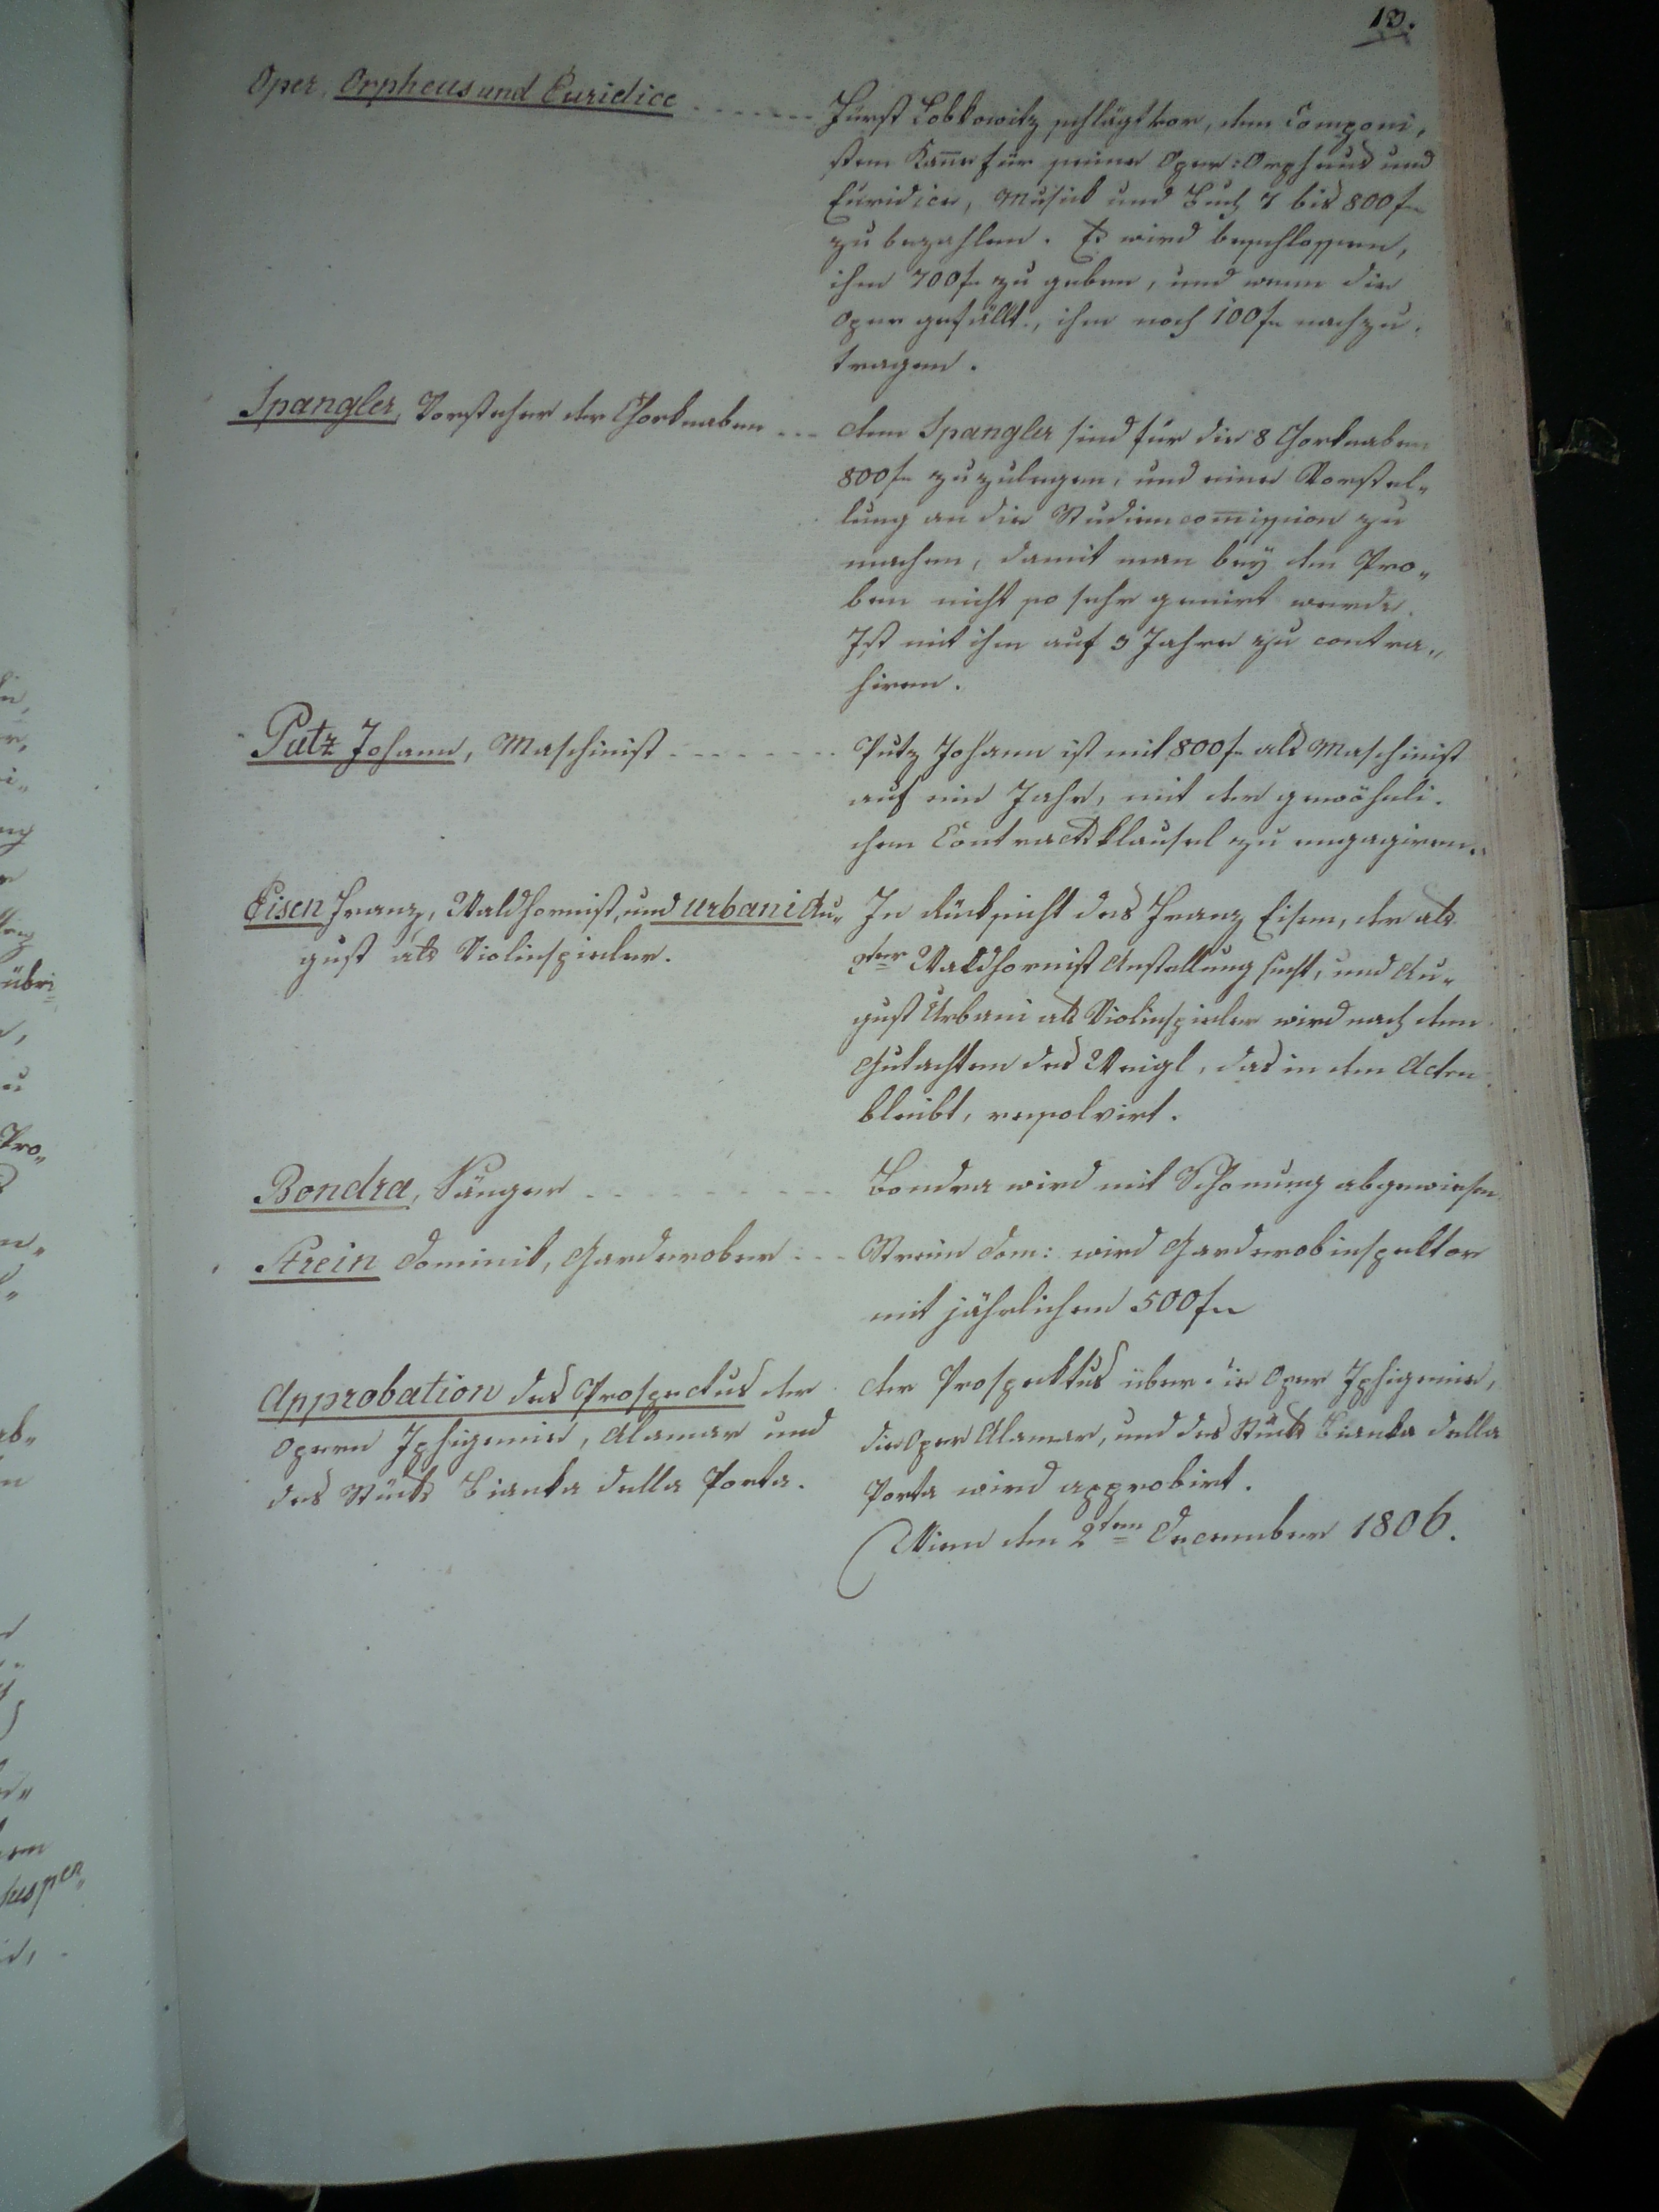13.
Oper, Orpheus und Euridice ……. Fürst Lobkowitz schlägt vor, dem Componi¬
sten Kan̅e für seine Oper: Orpheus und
Euridice, Musick und Buch 7 bis 800 fn
zu bezahlen. Es wird beschlossen,
ihm 700fn zu geben, und wenn die
Oper gefällt., ihm noch 100fn nachzu¬
tragen.
Spangler, Vorsteher der Chorknaben … Dem Spangler sind für die 8 Chorknaben
800 fn zuzulegen, und eine Vorstel¬
lung an die Studiencom̅ission zu
machen, damit man bey den Pro¬
ben nicht so sehr genirt werde.
Ist mit ihm auf 3 Jahre zu contra¬
hiren.
Putz Johann, Maschinist …….. Putz Johann ist mit 800 fn als Maschinist
auf ein Jahr, mit der gewöhnli¬
chen Contractsklausel zu engagiren.
Eisen Franz, Waldhornist, und Urbani Au¬
gust als Violinspieler.
In Rücksicht des Franz Eisen, der als
3te͇r Waldhornist Anstellung sucht, und Au¬
gust Urbani als Violinspieler wird nach dem
Gutachten des Weigl, das in den Acten
bleibt repolrirt.
Bondra, Sänger ……… Bondra wird mit Schonung abgewiesen
Strein Dominik, Garderober … Strein Dom: wird Garderobinspektor
mit jährlichen 500fn
Approbation des Prospectus der
Opern Iphigenie, Alamar und
des Stücks Bianka della Porta.
Der Prospektus über die Oper Iphigenie,
die Oper Alamar, und des Stücks Bianka della
Porta wird approbirt.
Wien den 2te͇n December 1806.